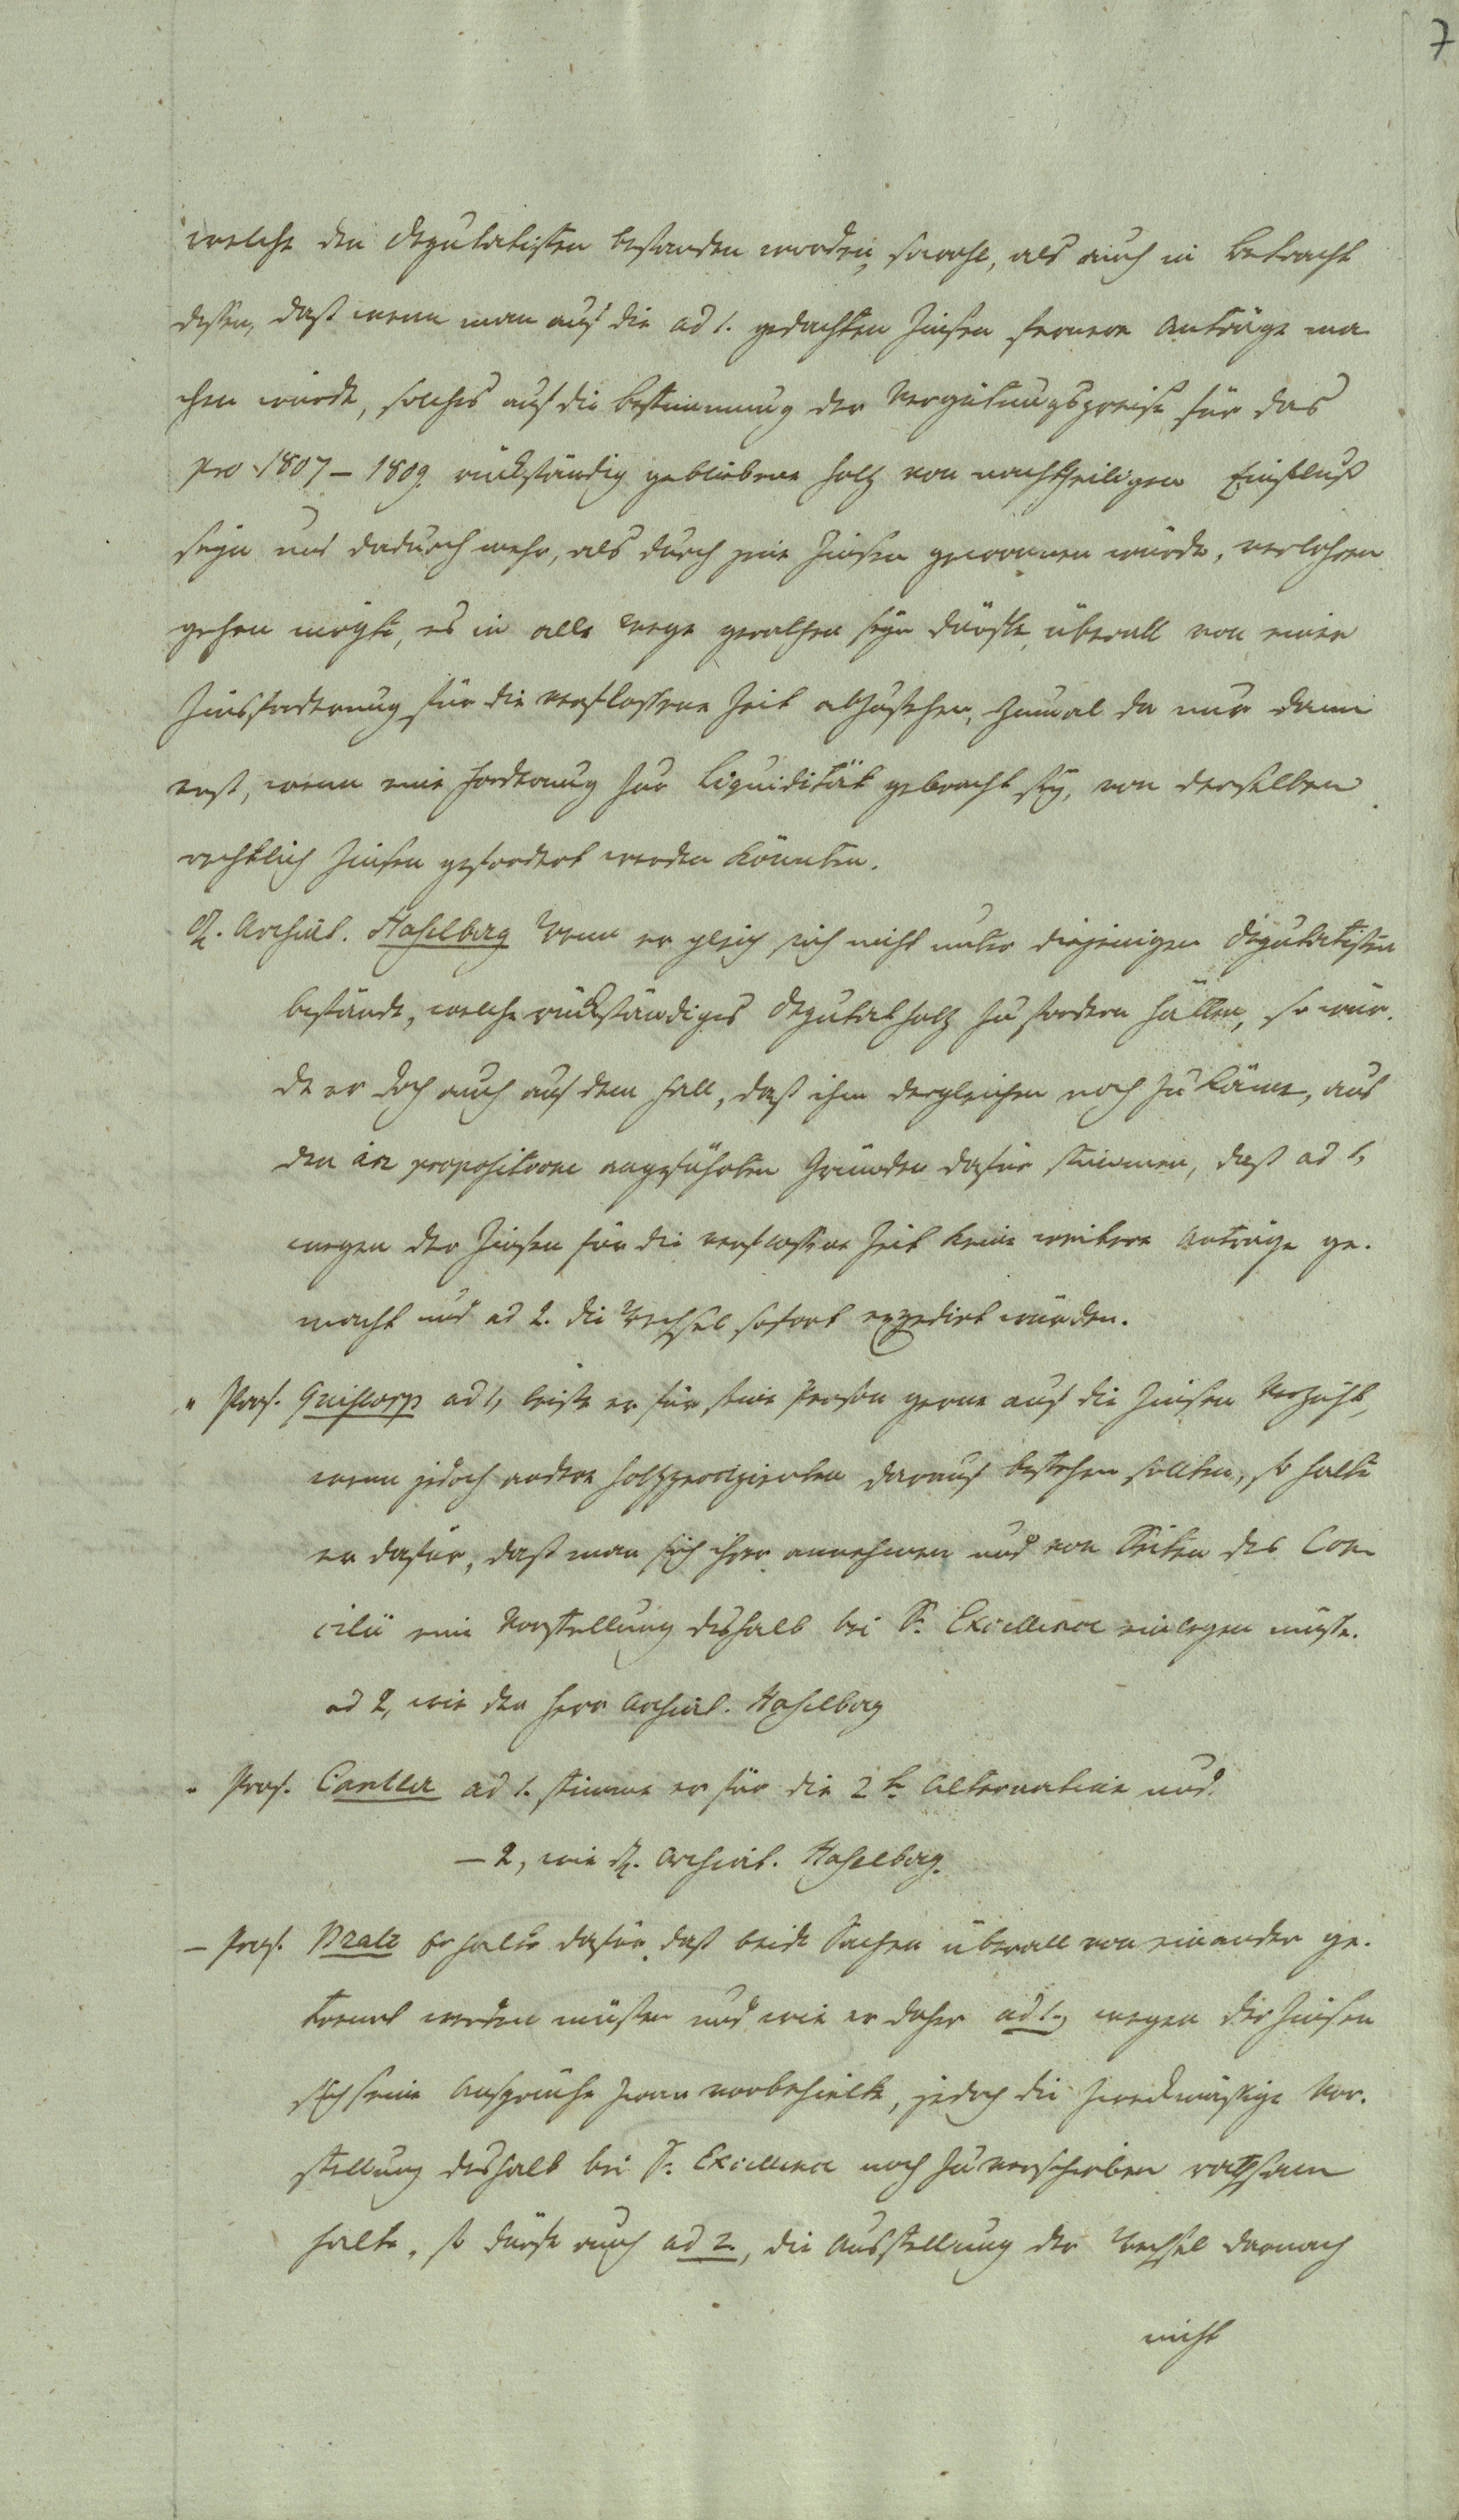welche den Deputatisten bestanden worden sowohl, als auch in Betracht
dessen, daß wenn man auf die ad 1. gedachten Zinsen fernere Anträge ma¬
chen würde, solches auf die Bestimmung der Vergütungspreise für das
pro 1807 - 1809. rückständig gebliebene Holz von nachtheiligem Einfluß
seÿn und dadurch mehr, als durch jene Zinsen gewonnen würde, verlohren
gehen mögte, es in alle Wege gerathen seÿn dürfte, überall von einer
Zinsforderung für die verflossene Zeit abzusehen, zumal da nur dann
erst, wenn eine Forderung zur Liquidität gebracht seÿ, von derselben
rechtlich Zinsen gefordert werden könnten.
dh. Archiat. Haselberg Wenn er gleich sich nicht unter diejenigen Deputatisten
befände, welche rückständiges Deputatholz zu fordern hätten, so wür¬
de er doch auch auf dem Fall, daß ihm dergleichen noch zu käme, aus
den in propositione angeführten Gründen dafür stimmen, daß ad 1,
wegen der Zinsen für die verflossene Zeit keine weitere Anträge ge¬
macht und ad 2. die Wechsel sofort expedirt würden.
Prof. Quistorp ad 1, leiste er für seine Person gerne auf die Zinsen Verzicht,
wenn jedoch andere Holzpercipienten darauf bestehen sollten, so halte
er dafür, daß man sich ihrer annehmen und von Seiten des Con¬
cilii eine Vorstellung deshalb bei Sr. Excellence einlegen müsse.
ad 2, wie der herr Archiat. Haselberg
Prof. Canzler ad 1. stimme er für die 2te Alternative und
2, wie dh. Archiat. Haselberg.
Prof. Bratt er halte dafür, daß beide Sachen überall von einander ge¬
trennt werden müßten und wie er daher ad1. wegen der Zinsen
sich seine Ansprüche zwar vorbehielte, jedoch die zweckmässige Vor¬
stellung deshalb bei Sr. Excellence noch zu verschieben rathsam
halte, so dürfe auch ad 2, die Ausstellung der Wechsel darnach
nicht